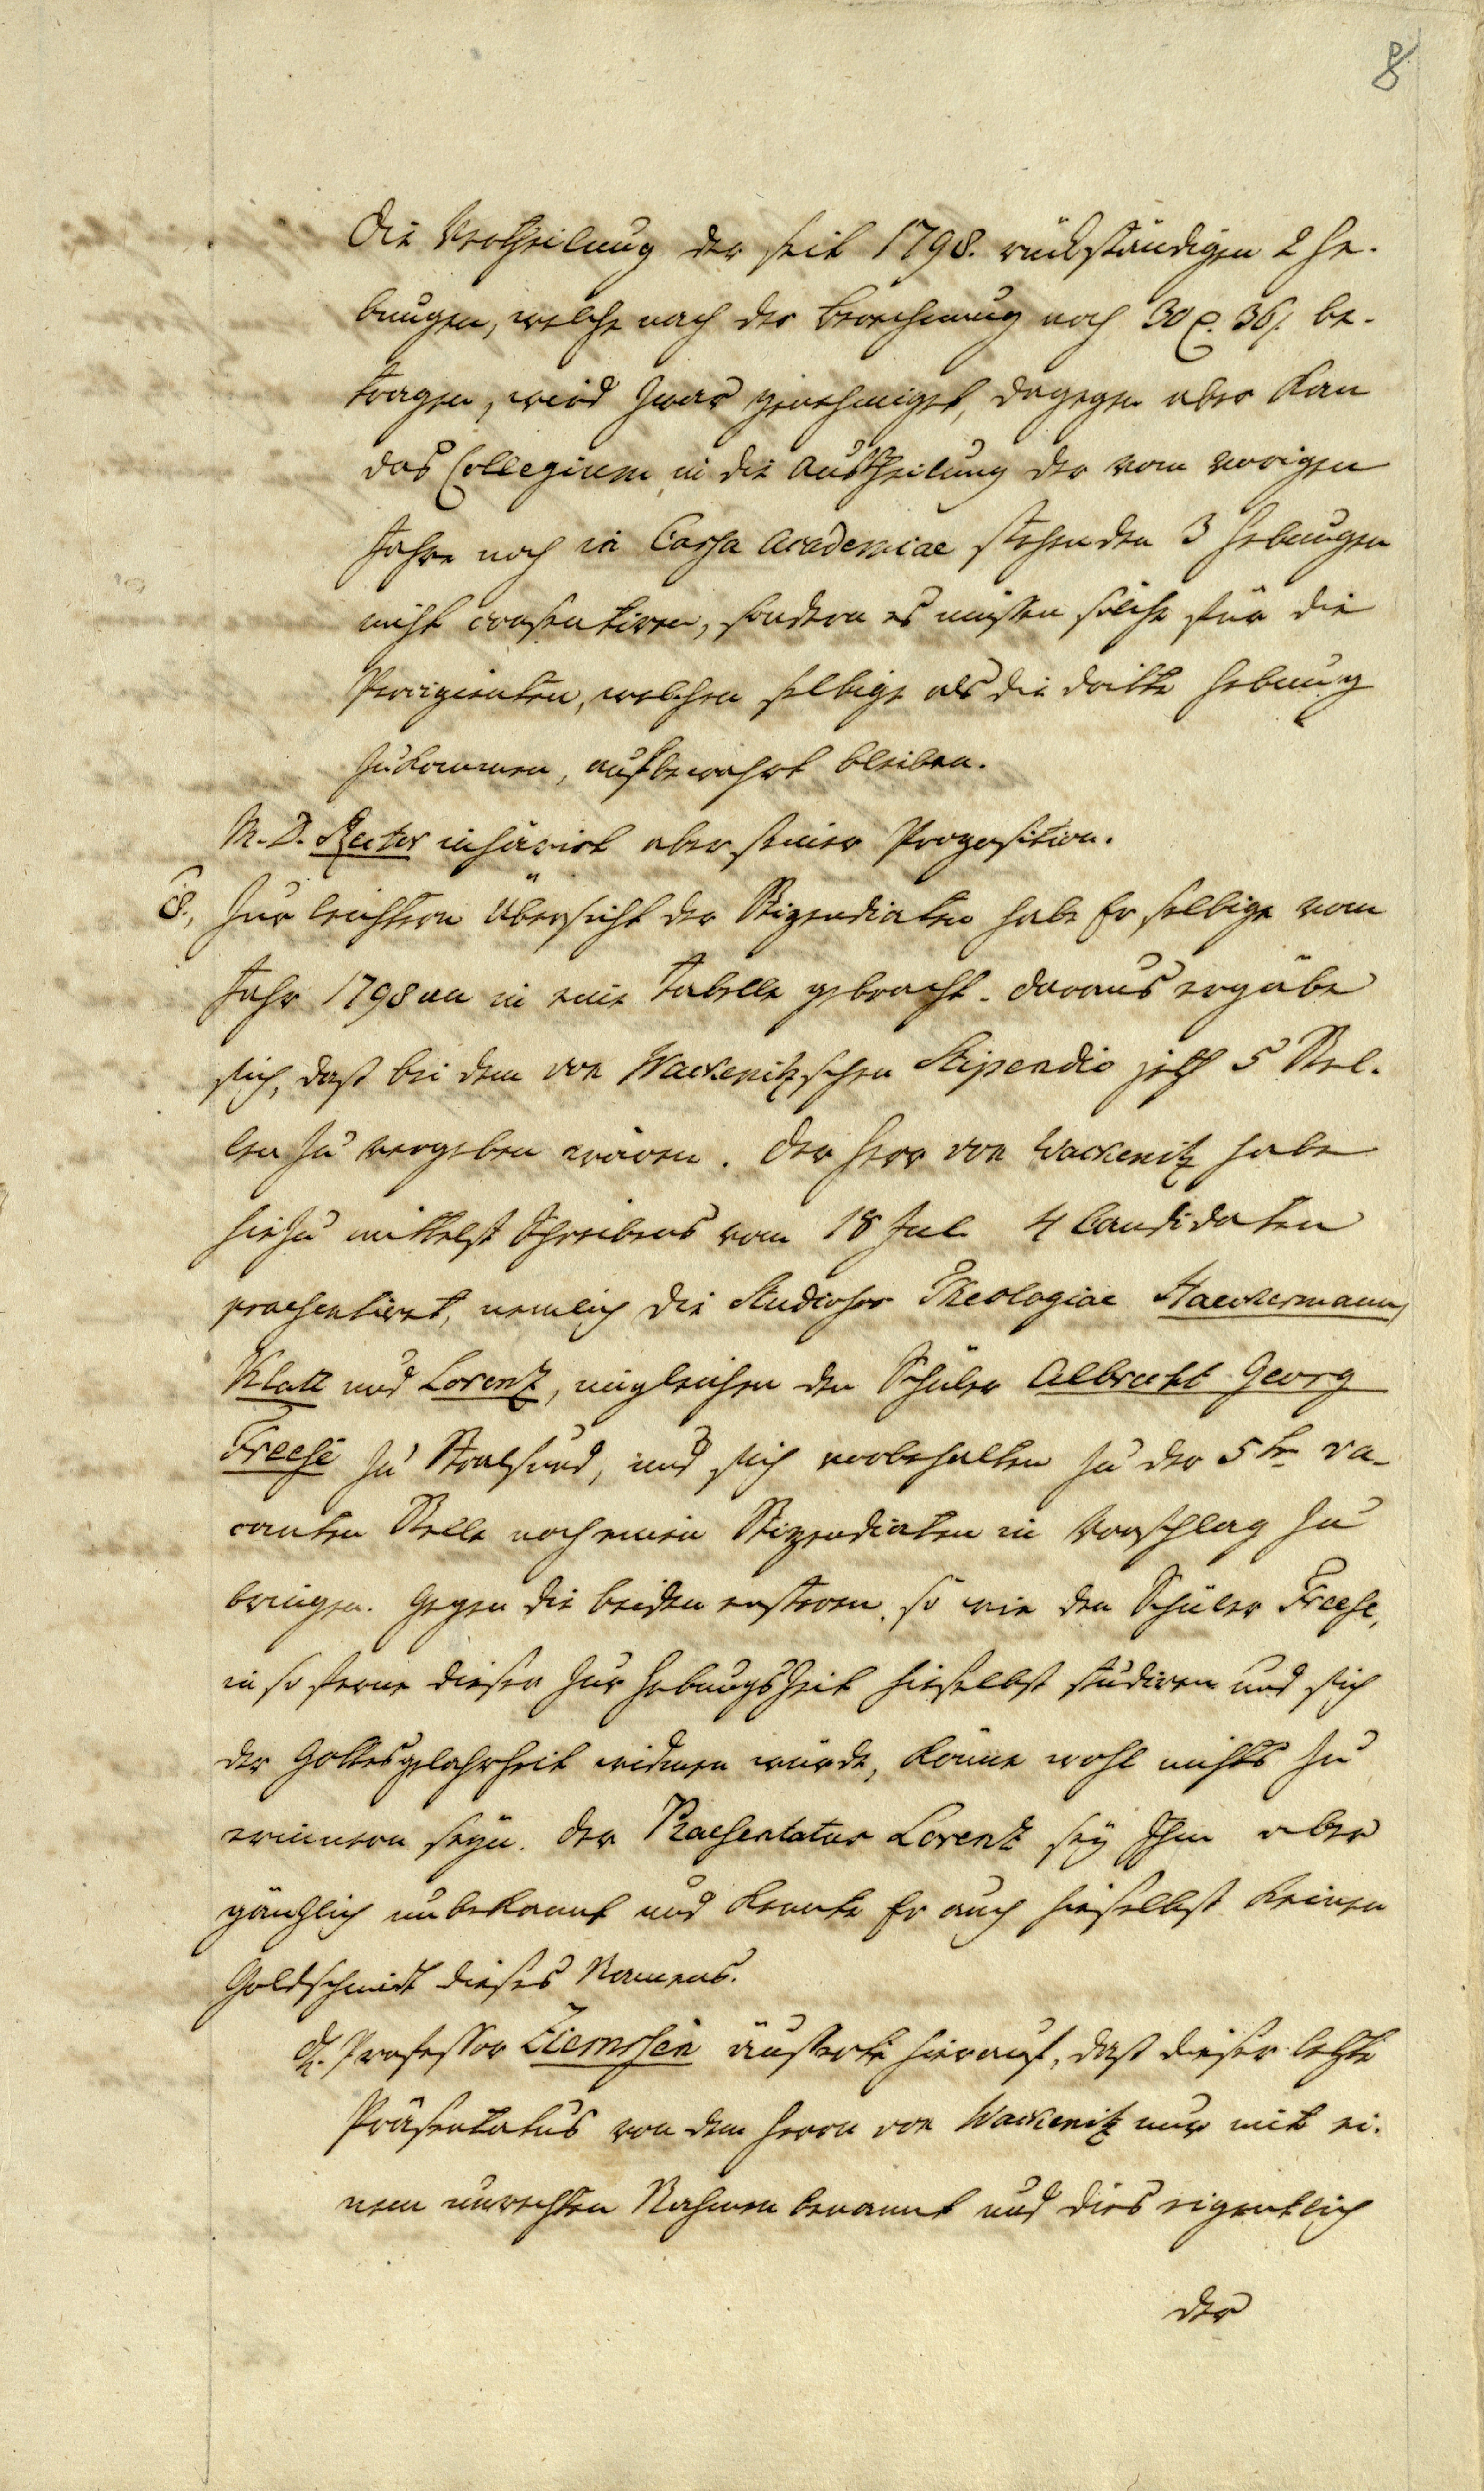Die Vertheilung der seit 1798. rückständigen 2 He¬
bungen, welche nach der Berechnung noch 30 l. 36 s. be¬
tragen, wird zwar genehmiget, dagegen aber kan
das Collegium in die Austheilung der vom vorigen
Jahre noch in Cassa Academiae stehenden 3 Hebungen
nicht consentiren, sondern es müssen solche für die
Percipienten, welchen selbige als die dritte Hebung
zukommen, aufbewahrt bleiben.
M. D. Rector inhärirt aber seiner Proposition.
8., Zur leichtern Übersicht der Stipendiaten habe Er selbige vom
Jahr 1798 an in eine Tabelle gebracht. Daraus ergäbe
sich, daß bei dem von Wackenitzschen Stipendio jetzt 5 Stel¬
len zu vergeben wären. Der Herr von Wackenitz habe
hiezu mittelst Schreibens vom 18 Jul. 4 Candidaten
praesentiret, nemlich die Studiosos Theologiae Haeckermann,
Klatt und Lorenz, imgleichen den Schüler Albrecht Georg
Freese zu Stralsund, und sich vorbehalten zu der 5 ten va¬
canten Stelle noch einen Stipendiaten in Vorschlag zu
bringen. Gegen die beiden ersteren, so wie den Schüler Freese,
in so ferne dieser zur Hebungszeit hieselbst studiren und sich
der Gottesgelahrheit widmen würde, könne wohl nichts zu
erinnern seÿn. der Praesentatus Lorenz seÿ Ihm aber
gänzlich unbekannt und kennte Er auch hieselbst keinen
Goldschmidt dieses Namens.
dh. Professor Ziemssen äusserte hierauf, daß dieser letzte
Präsentatus von dem Herrn von Wackenitz nur mit ei¬
nem unrechten Nahmen benannt und dies eigentlich
der